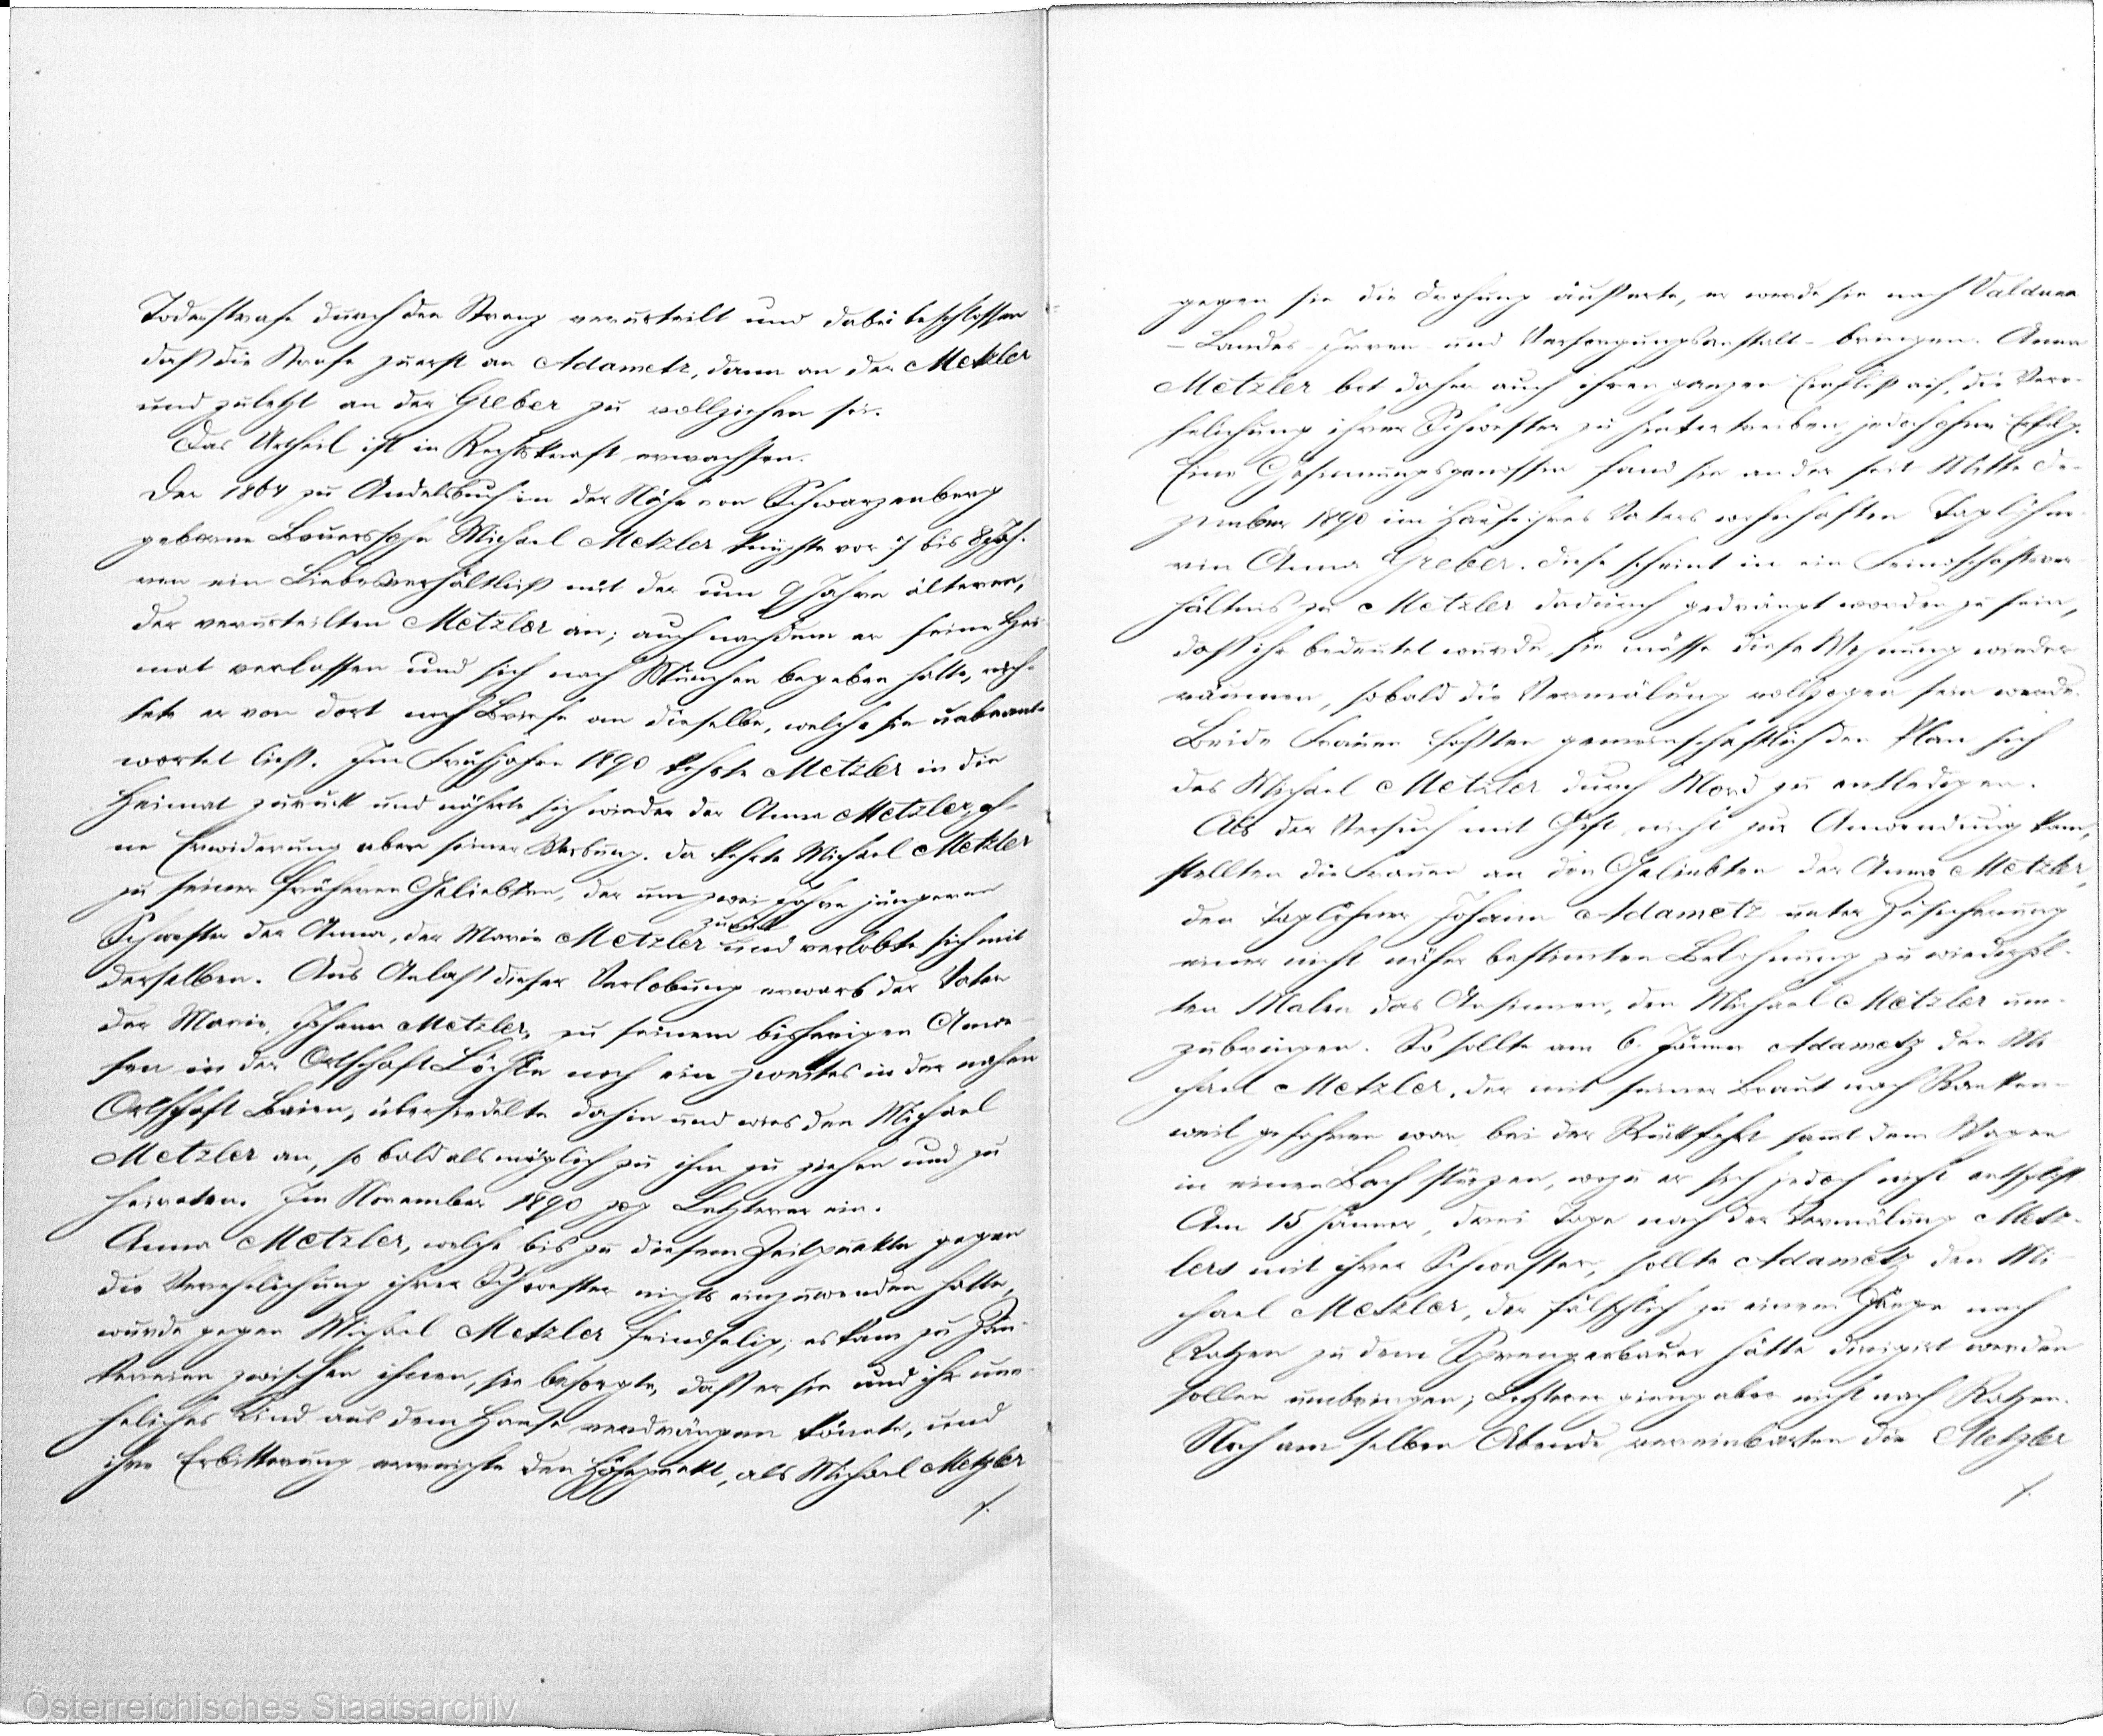Todesstrafe durch den Strang verurtheilt und dabei beschlossen
daß die Strafe zuerst an Adametz, dann an der Metzler
und zuletzt an der Greber zu vollziehen sei.
Das Urtheil ist in Rechtskraft erwachsen.
Der 1864 zu Andelsbuch in der Nähe von Schwarzenberg
geborene Bauerssohn Michael Metzler knüpfte vor 7 bis 8 Jah¬
ren ein Liebesverhältniß mit der um 9 Jahre älteren,
der verurtheilten Metzler an; auch nachdem er seine Hei¬
mat verlassen und ist nach München begeben hatte, rich¬
tete er von dort noch Briefe an dieselbe, welche sie unbeant¬
wortet ließ. Im Frühjahr 1890 kehrte Metzler in die
Heimat zurück und nährte sich wieder der Anna Metzler oh¬
ne Erwiderung aber seiner Werbung. Da kehrte Michael Metzler
zu seinem früheren Geliebten, der um zwei Jahre jüngeren
zurück
Schwester der Anna, der Maria Metzler und verlobte sich mit
derselben. Aus Anlaß dieser Verlobung erwarb der Vater
der Marie, Johann Metzler, zu seinem bisherigen Anwe¬
sen in der Ortschaft Löchte noch ein zweites in er nahen
Ortschaft Baim, übersiedelte dahin und wies den Michael
Metzler an, so bald als möglich zu ihm zu ziehen und zu
heiraten. Im November 1890 zog Letzterer ein.
Anna Metzler, welche bis zu diesem Zeitpunkte gegen
die Verehelichung ihrer Schwester nichts einzuwenden hatte,
wurde gegen Michael Metzler feindselig; es kam zu Zan¬
kereien zwischen ihnen, sie besorgte, daß er sie und ihr une¬
heliches Kind aus dem Hause verdrängen könnte, und
ihre Erbitterung erreichte den Höhepunkt, als Michael Metzler
gegen sie die Drohung äußerte, er werde sie nach Valduna
-Landes-Irren und Versorgungsanstalt - bringen. Anna
Metzler bot daher auch ihren ganzen Einfluß auf, die Vere¬
helichung ihrer Schwester zu hintertreiben, jedoch ohne Erfolg.
Eine Gesinnungsgenossen fand sie an der seit Mitte De¬
zember 1890 im Hause ihres Vaters wohnhaften Taglöhne¬
rin Anna Greber. Diese scheint in ein Feindschaftsver¬
hältnis zu Metzler dadurch gedrängt worden zu sein,
daß ihr bedeutet wurde, sie müsse diese Wohnung wieder
räumen, so bald die Vermälung vollzogen sein werde.
Beide Frauen faßten gemeinschaftlich den Plan sich
des Michael Metzler durch Mord zu entledigen.
Als der Versuch mit Gift nicht zur Anwendung kam,
stellten die Frauen an die Geliebte der Anna Metzler,
der Taglohner Johann Adametz unter Zusicherung
einer nicht näher bestimmte Belohnung zu wiederhol¬
ten Malen das Ansinnen, den Michael Metzler um¬
zubringen. So sollte am 6 Jänner Adametz den Mi¬
chael Metzler, der mit seiner Braut nach Banken¬
weil gefahren war bei der Rückfahrt samt dem Wagen
in einen Bach stürzen, wozu er sich jedoch nicht entschliß.
Am. 15 Jänner, drei Tage nach der Vermalung Metz¬
lers mit ihrer Schwester, sollte Adametz den Mi¬
chael Metzler, der fälschlich zu einem Junge nach
Ratzen zu dem Sprengerbauer hätte dirigirt werden
sollen umbringen; Letzterer gieng aber nicht nach Ratzen.
Noch am selben Abende vereinbarten die Metzler